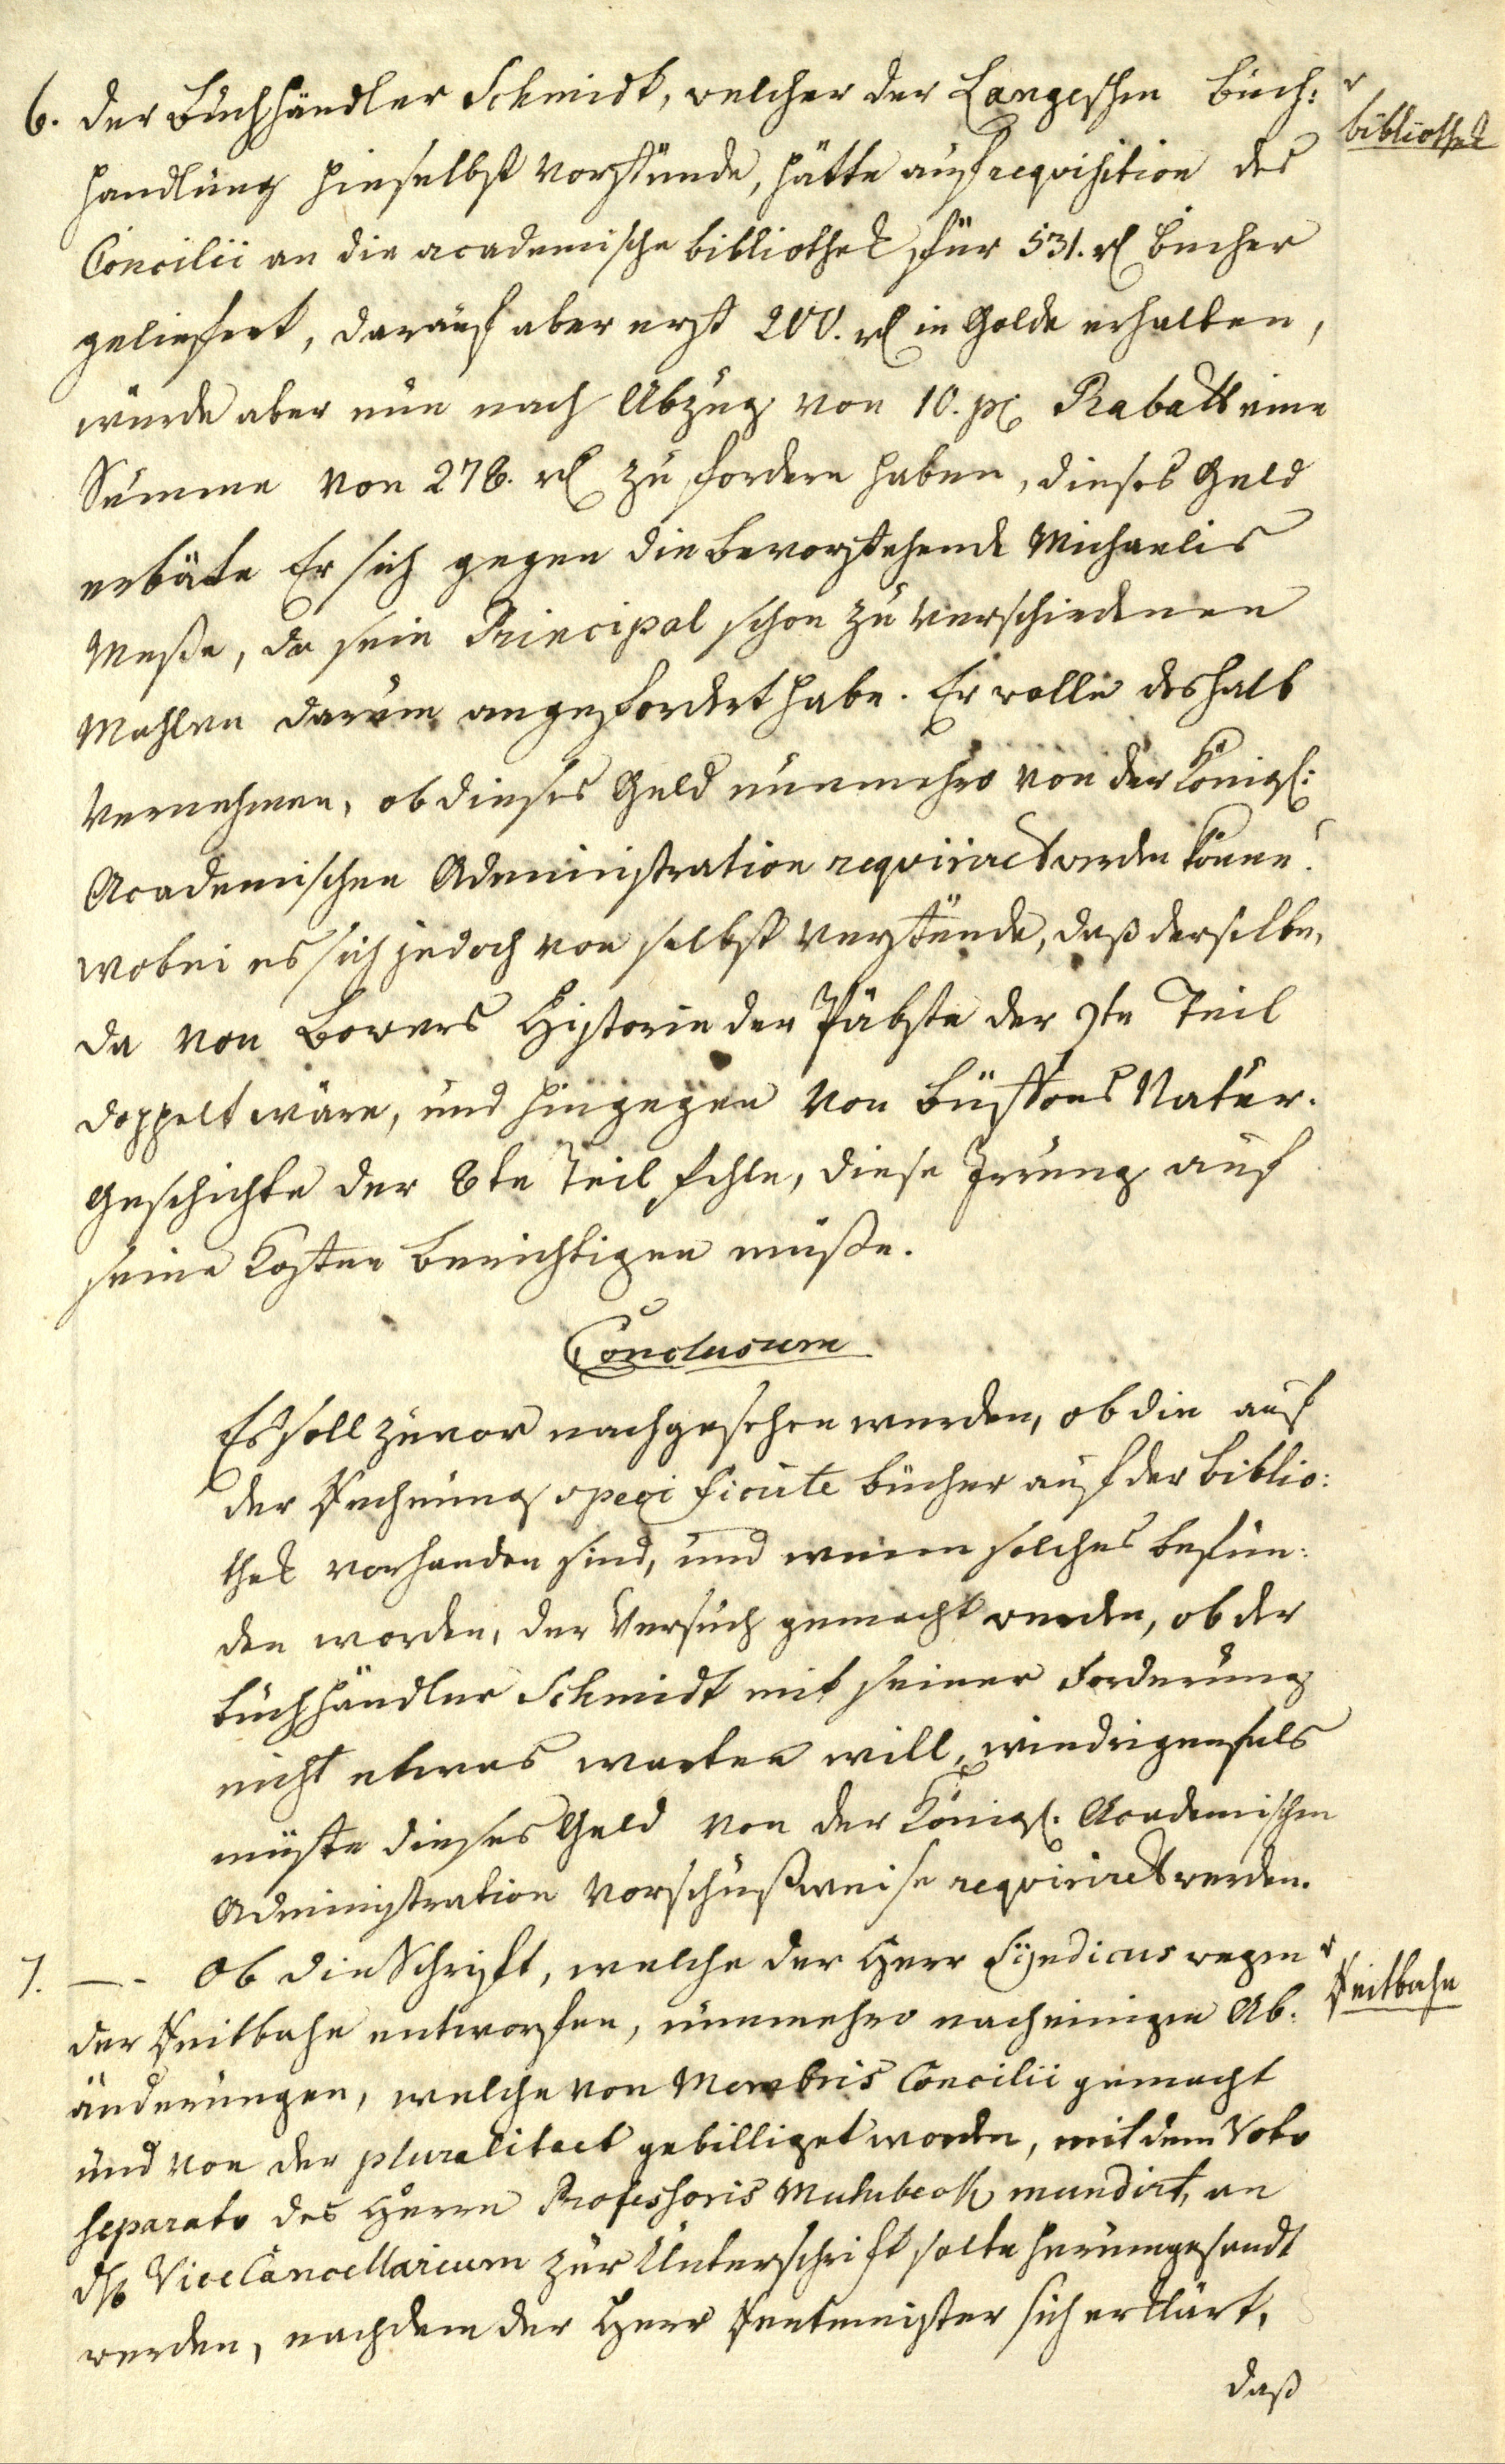6. der Buchändler Schmidt, welcher der Langeschen Buch¬
handlung hieselbst vorstünde, hätte auf requisition des
Concilii an die academische Bibliothek für 531. rt. Bücher
geliefert, darauf aber erst 200. rt in Golde erhalten,
würde aber nun nach Abzug von 10 pr. Rabatt eine
Summe von 278. rt. zu fordern haben, dieses Geld
erbäte Er sich gegen die bevorstehende Michaelis
Meße, da sein Principal schon zu verschiedenen
Mahlen darum angefordert habe. Er wolle deshalb
vernehmen, ob dieses Geld nunmehro von der Königl.
Academische Administration requiriret werden könne?
Wobei es sich jedoch von selbst verstünde, daß derselbe,
da von Bowers Historie der Päbste der 9te Teil
doppelt wäre, und hingegen von Büssons Natur¬
Geschichte der 8te Teil fehle, diese Irrung auf
seine Kosten berichtigen müße.
Conclusum
Es soll zuvor nachgesehen werden, ob die auf
der Rechnung speci ficirte Bücher auf der Biblio¬
thek vorhanden sind, und wenn solches befun¬
den worden, der Versuch gemacht werden, ob der
Buchhändler Schmidt mit seiner Forderung
nicht etwas warten will, wiedrigenfals
müste dieses Geld von der Königl. Academischen
Administration vorschußweise requiriret werden.
7. ob die Schrift, welche der Herr Sÿndicus wegen
der Reitbahn entworfen, nunmehro nach einigen Ab¬
änderungen, welche von Membris Concilii gemacht
und von der pluralitaet gebilliget worden, mit dem Voto
separato des Herrn Professoris Muhrbeck mundirt, an
dh Vice Cancellarium zur Unterschrift solte herumgesandt
werden, nachdem der Herr Rentmeister sich erklärt,
daß